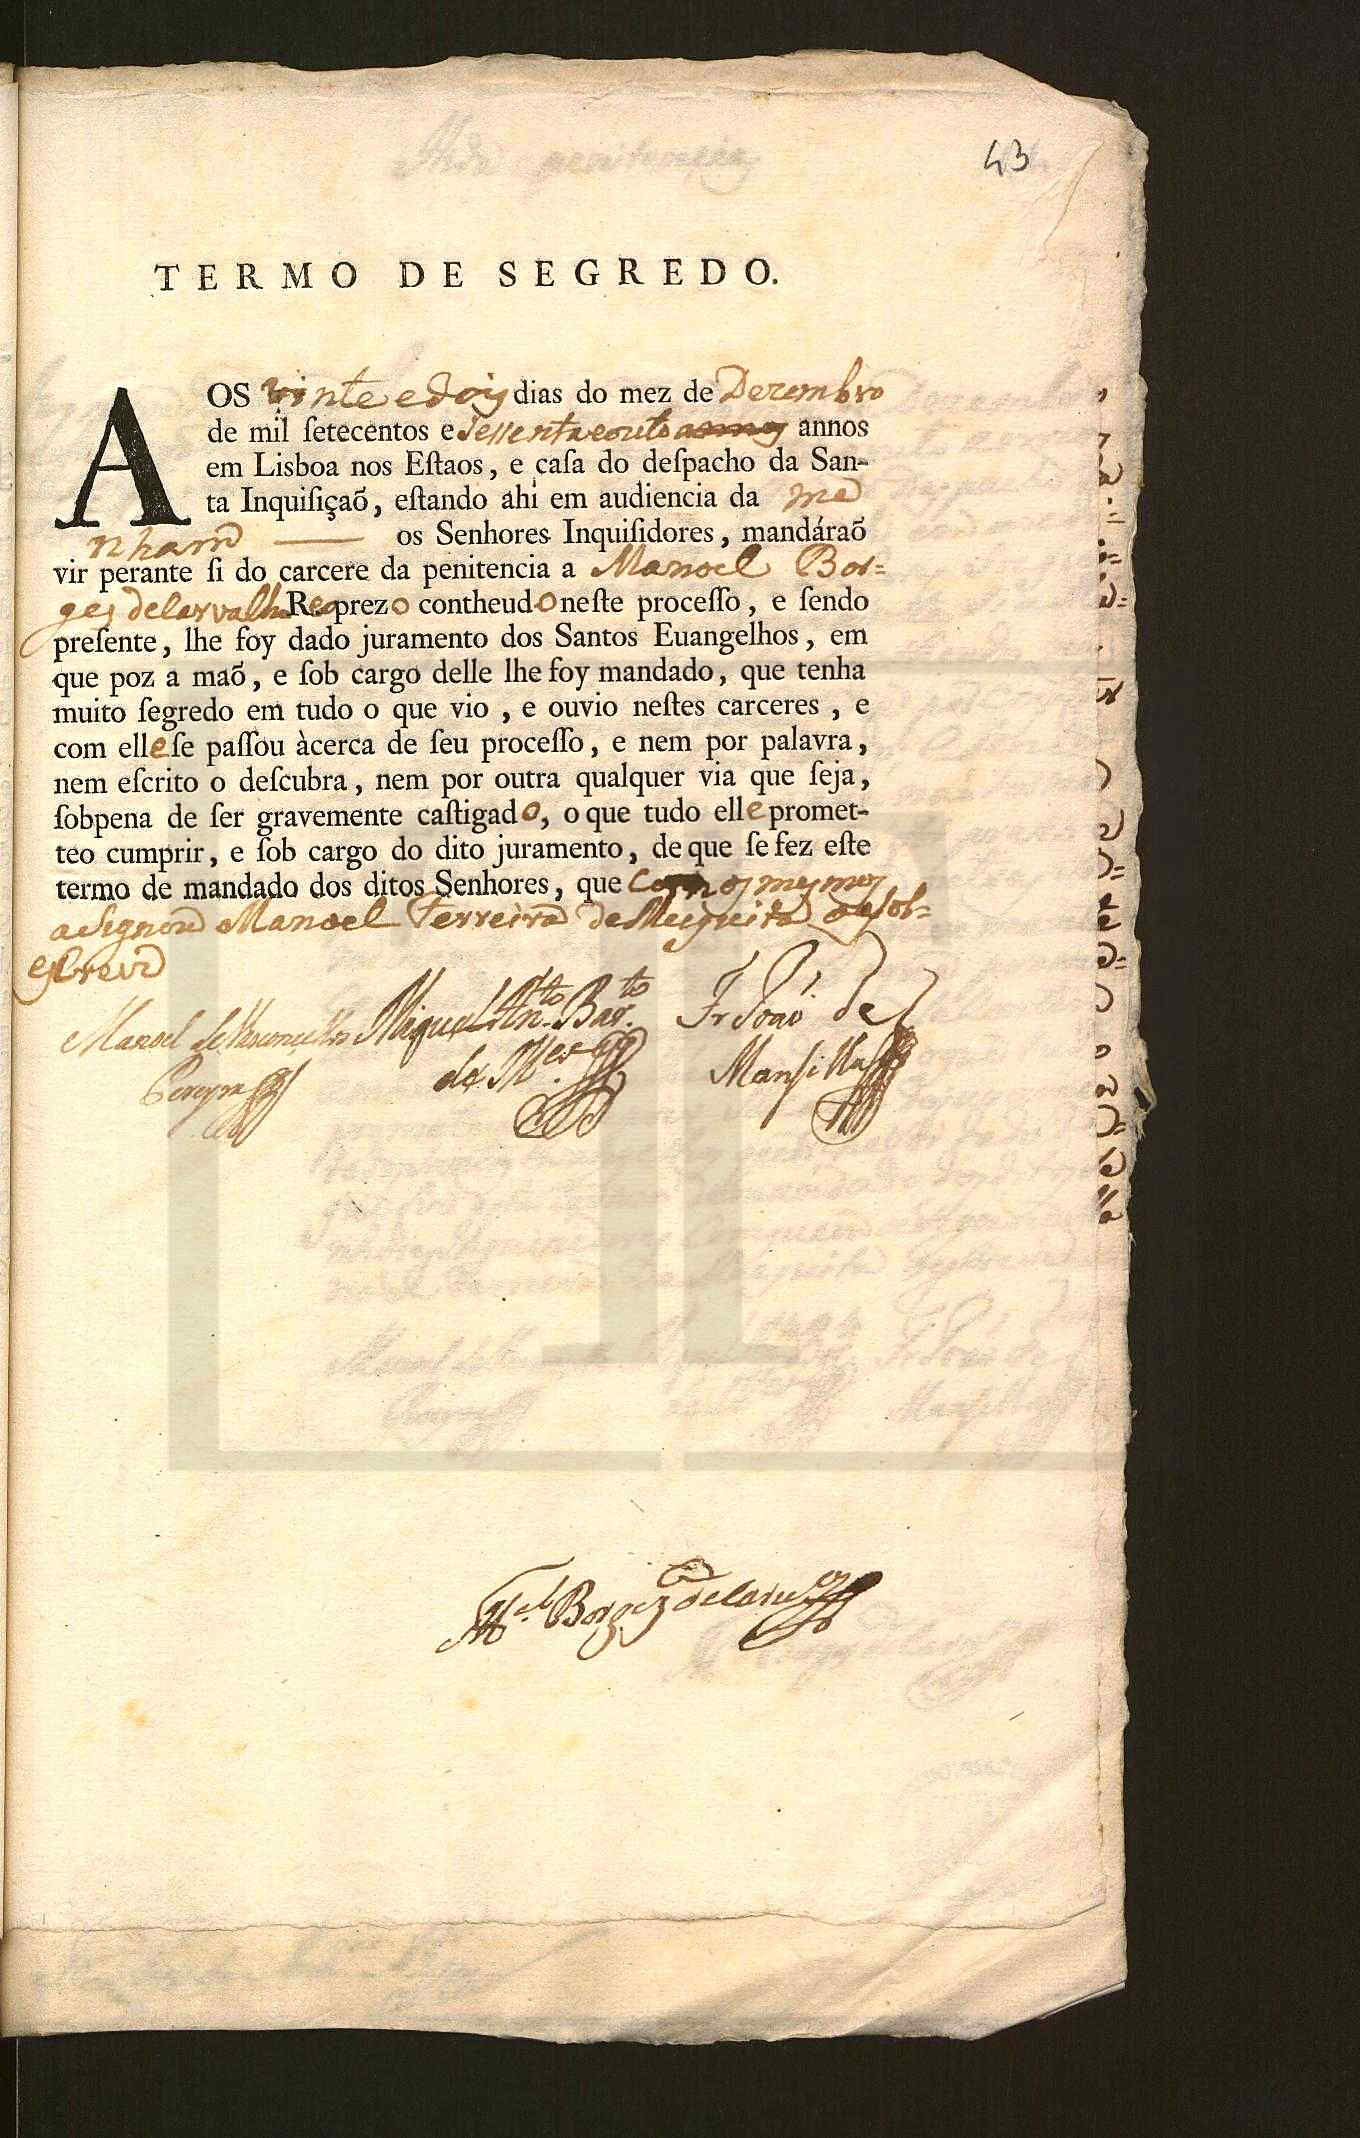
TERMO DE SEGREDO
A OS vinte e dois dias do mez de Dezembro
de mil setecentos e settenta e outo annos annos
em Lisboa nos Estaos, e casa do despacho da San
ta Inquisiçaõ, estando ahi em audiencia da, Me
nham
os Senhores Inquisidores, mandáraõ
vir perante si do carcere da penitencia a Manoel Bor
ges de Carvalho Reo prezo contheudo neste processo, e sendo
presente, lhe foy dado, juramento dos Santos Euangelhos, em
que poz a maõ, e sob cargo delle lhe foy mandado, que tenha
muito segredo em tudo o que vio, e ouvio nestes carceres, e
com elle se passou acerca de seu processo, e nem por palavra,
nem escrito o descubra, nem por outra qualquer via que seja,
sob pena de ser gravemente castigado, o que tudo elle promet
teo cumprir, e sob cargo do dito juramento, de que se fez este
termo de mandado dos ditos Senhores, que com os mesmos
aSignou Manoel Ferreira de Mesquita o sob
esCrevi
Manoel de Vasconçellos
Pereyra
Miguel An.to Bar.to
de M.er
Fr Ioaõ de
Μansilha
M.el Borges de Caruo
